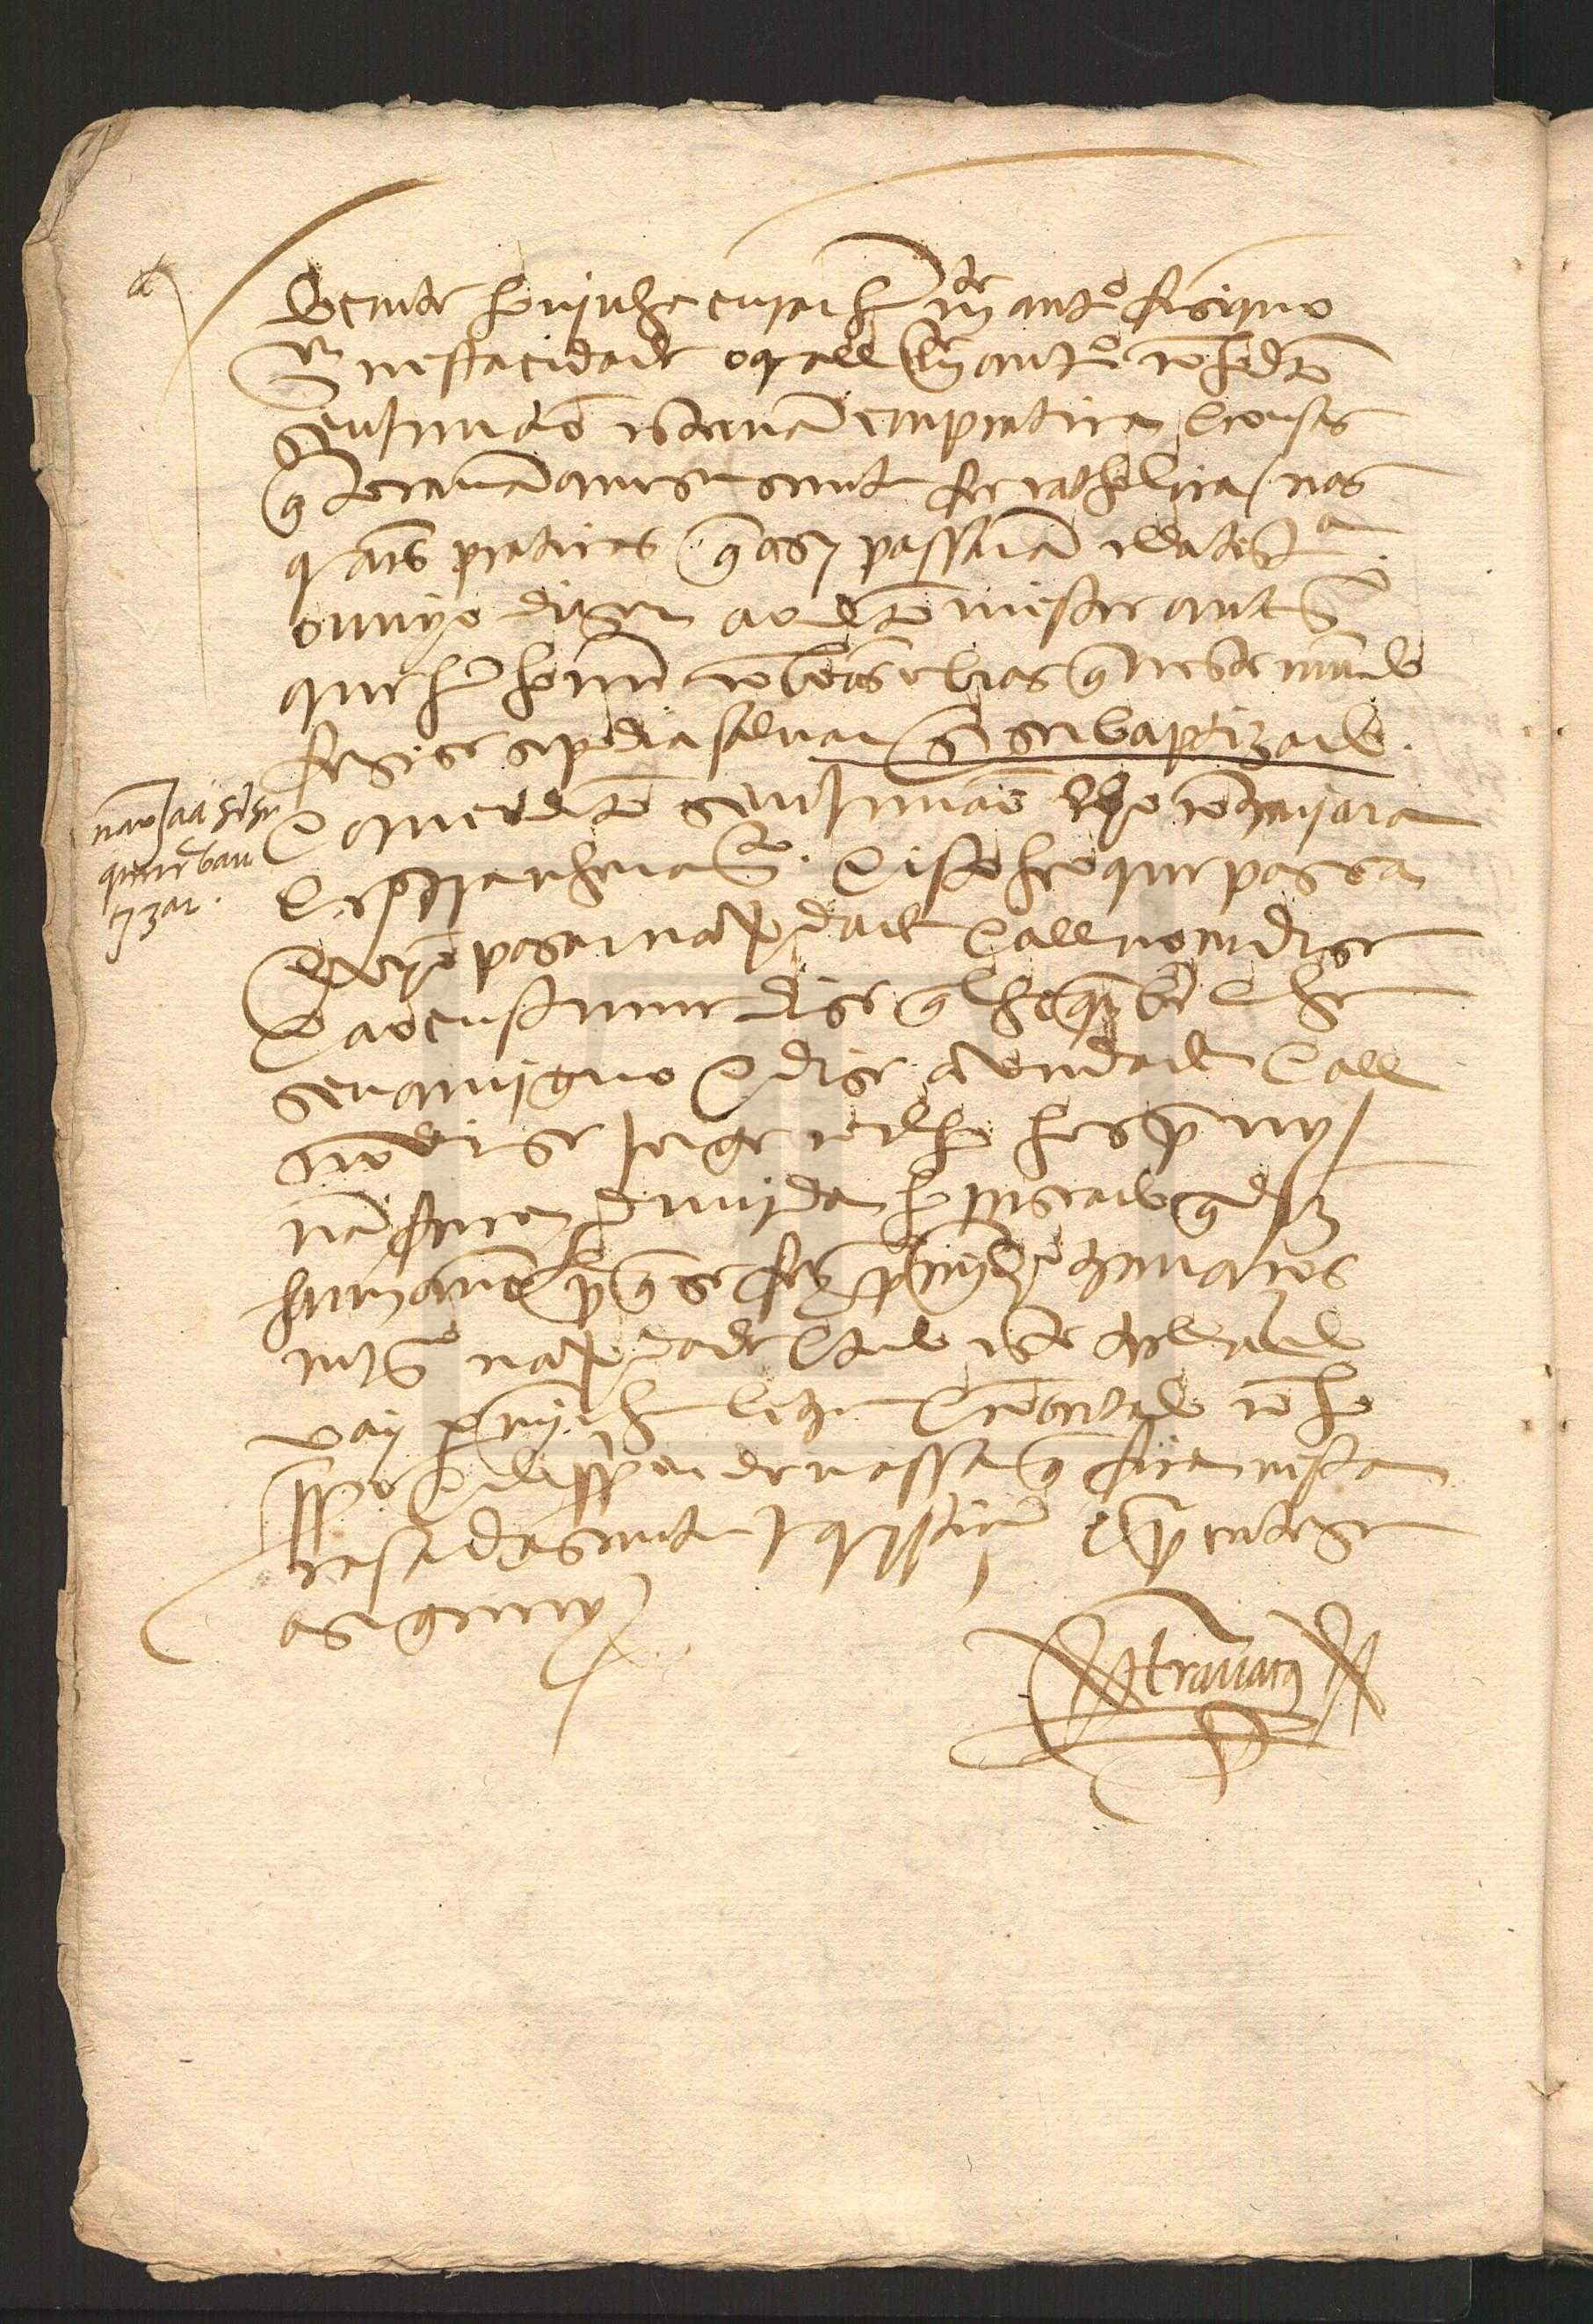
não Jaa sē se
querer̄ bau
tjzar.
doemte ho ujnha curar hū mte anto fisiquo
mor nesta çidade o quall mte anto c̄o ho dt̄o
seu Jrmaõ estauā em pratica e cousas
q̄ tocauā a nosa santa fee catholica / nas
quāes praticas q̄ asy passarā ella testa
ouuyo dizer ao dt̄o mestre anto
que hū homē c̄o boās obras q̄ neste mūdo
fezese se podia saluar sē ser baptizado
e que o dit̄o seu Jrmão lho c̄otrarjara
e estranhara mto. e isto he o que passa
e vyo pasar na ꝟdade e all nom dise
e ao custume dise q̄ lhe q̄r bē e he
seu amjguo e dise a verdade e all
n̄o dise Jorge coelho ho sp̄uy /
nā faca duujda ho rriscado q̄ djz
hum an̄o p̄o q̄ se fez p̄o mȳ djo trauaços
notro na ꝟdade e tudo este trellado
vay ꝑ m̄jnha letra e c̄ocertado cō ho
ꝓp̄o e da ꝓp̄a deuassa q̄ fica nesta
casa da santa Jnqujsiçā e p̄o certeza
asigneey /
trauacꝯ
